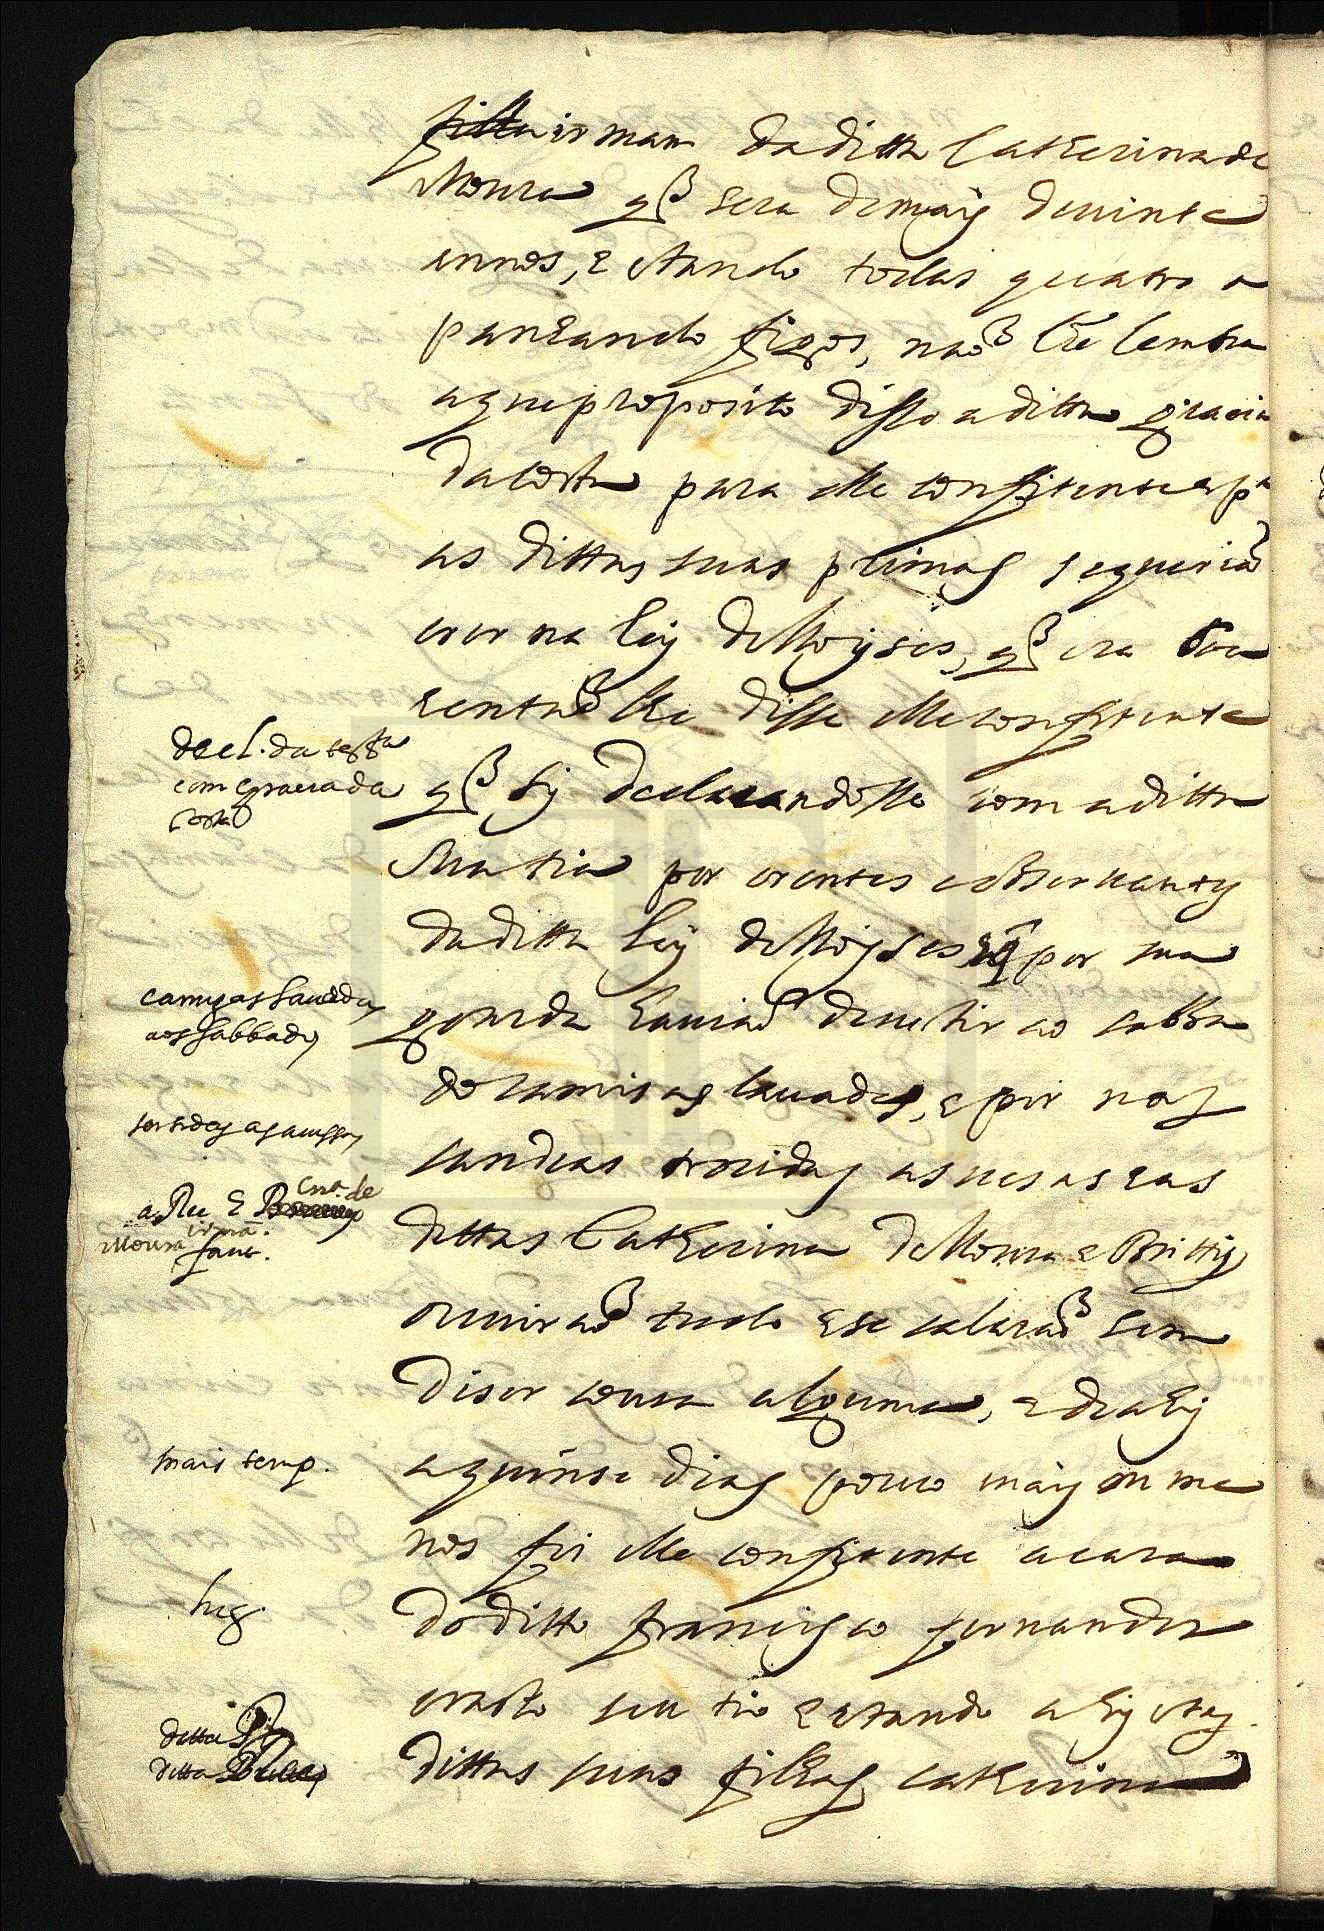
decl. da testa
com Gracia da
Costa
camisas lauadas
aos sabbados
ser todas as auessas
Cn.a de
a Ree E
irmã.
Moura faut
mais temp.
lug.
ditta R
ditta
irmam da ditta Catherina de
Moura q̄ sera de mais de uinte
annos, E estando todas quatro a
panhando figos naõ lhe lembra
a que proposito disse a ditta gracia
da costa para elle confitente e pa
as dittas suas primas se queriaõ
crer na ley de Moyses, q̄ era boa
e entaõ lhe disse elle confitente
q̄ sy declarandosse com a ditta
sua tia por crentes e obseruantes
da ditta Ley de Moyses E q̄ por sua
goarda hauiaõ de uestir ao sabba
do camisas lauadas, e por nas
Candeas trazidas as uesas E as
dittas Catherina de Moura e Brittis
ouuiraõ tudo E se calaraõ sem
diser couza alguma, E de ahy
a quinse dias pouco mais ou me
nos foi elle confitente a caza
do ditto francisco fernandez
crasto seu tio E estando ahy elas
dittas suas filhas catherina
